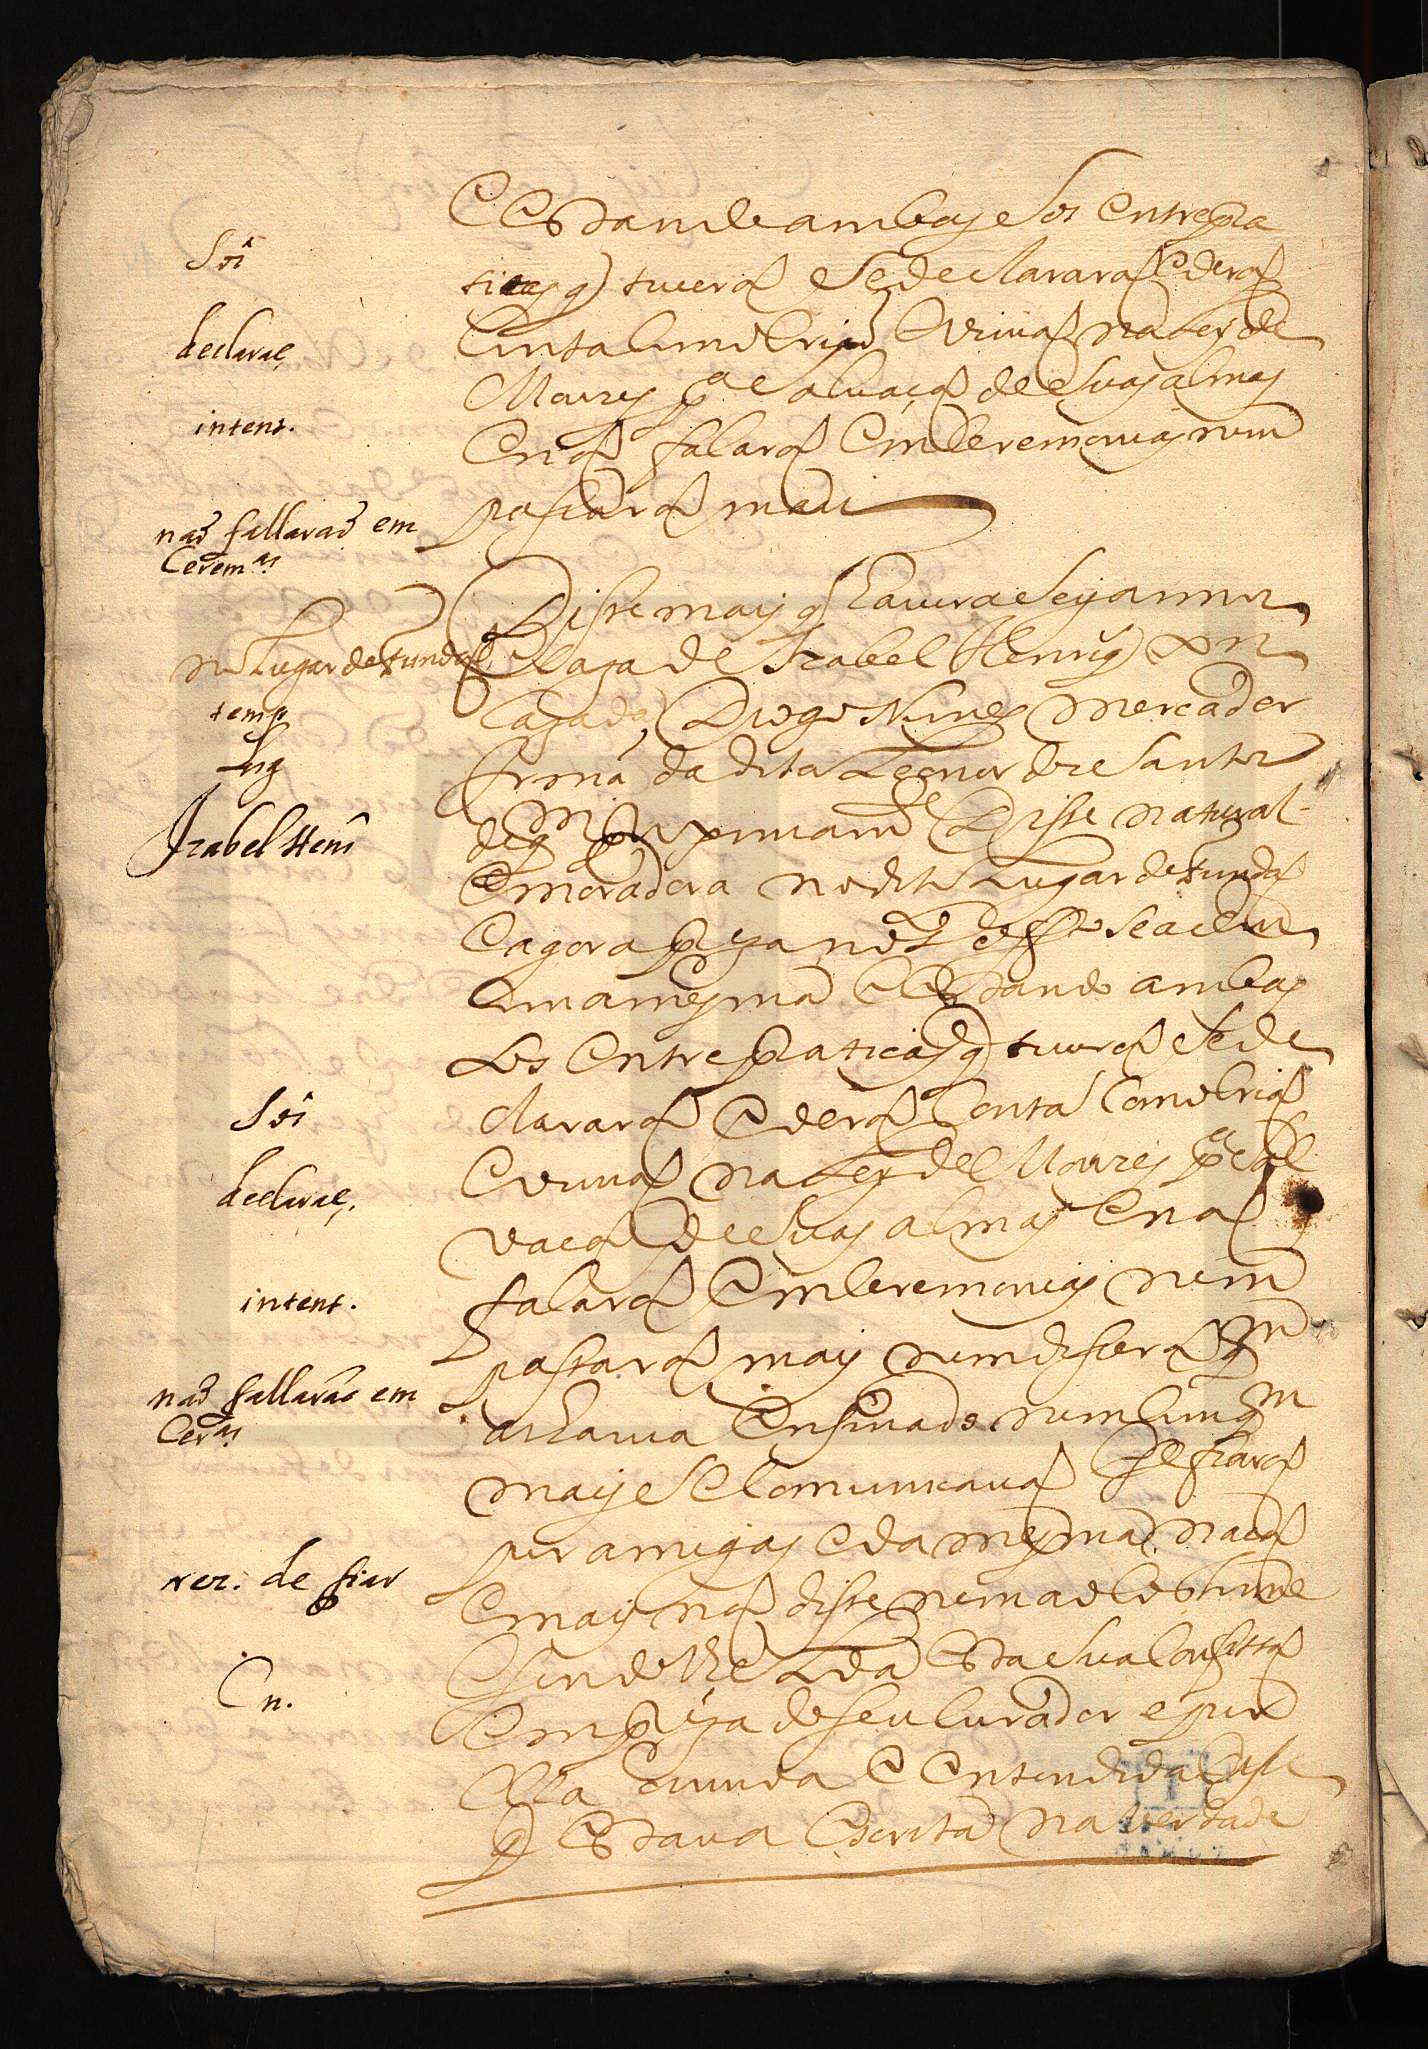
E Estando ambas Sos entre pRa
Sós
ticas q̄ tiueraꝭ se declararaꝭ e deraꝭ
Conta Como Criaõ E viuiaꝭ na Ley de
declaraç
Moizes pa Saluaçaꝭ de suas almas
intent.
E naꝭ falaraꝭ Em Ceremonias nem
passaraꝭ mais
naõ fallaraõ em
Cerem.as
Disse mais q̄ hauera Seis annos
no Lugar de Fundaꝭ
Caza de Izabel Henriqs xn
Cazada, Diogo Nunes mercador
temp
Jrmã da dita Leonor dos Santos
Lug
de qm pRoximamte Disse natural
Jzabel Hens̄
E moradora no dito Lugar de Fundaꝭ
E agora pReza no s.to offo se achou
Com a mesma E Estando ambas
Sos Entre pRaticas q̄ tiueraꝭ se de
clararaꝭ E deraꝭ Conta Como Criaꝭ
Sós
E viuiaꝭ na Ley de Mouzes pa sal
declaraç.
vaçaꝭ de Suas almas e naõ
falaraꝭ em Ceremonias nem
intent.
passaraꝭ mais nem disseraꝭ qm
naõ fallarão em
as hauia Ensinado nem Com qm
Cer.as
mais Se comunicauaꝭ se fiaraꝭ
per amigas e da mesma naçaꝭ
rez. de fiar
E mais naꝭ disse nem ao Costume
E sendolhe Lida esta Sua Confissaꝭ
Cn.
Em pReza do seu Curador e per
Ella ouinda e entendida Disse
q̄ estaua Escrita na verdade
